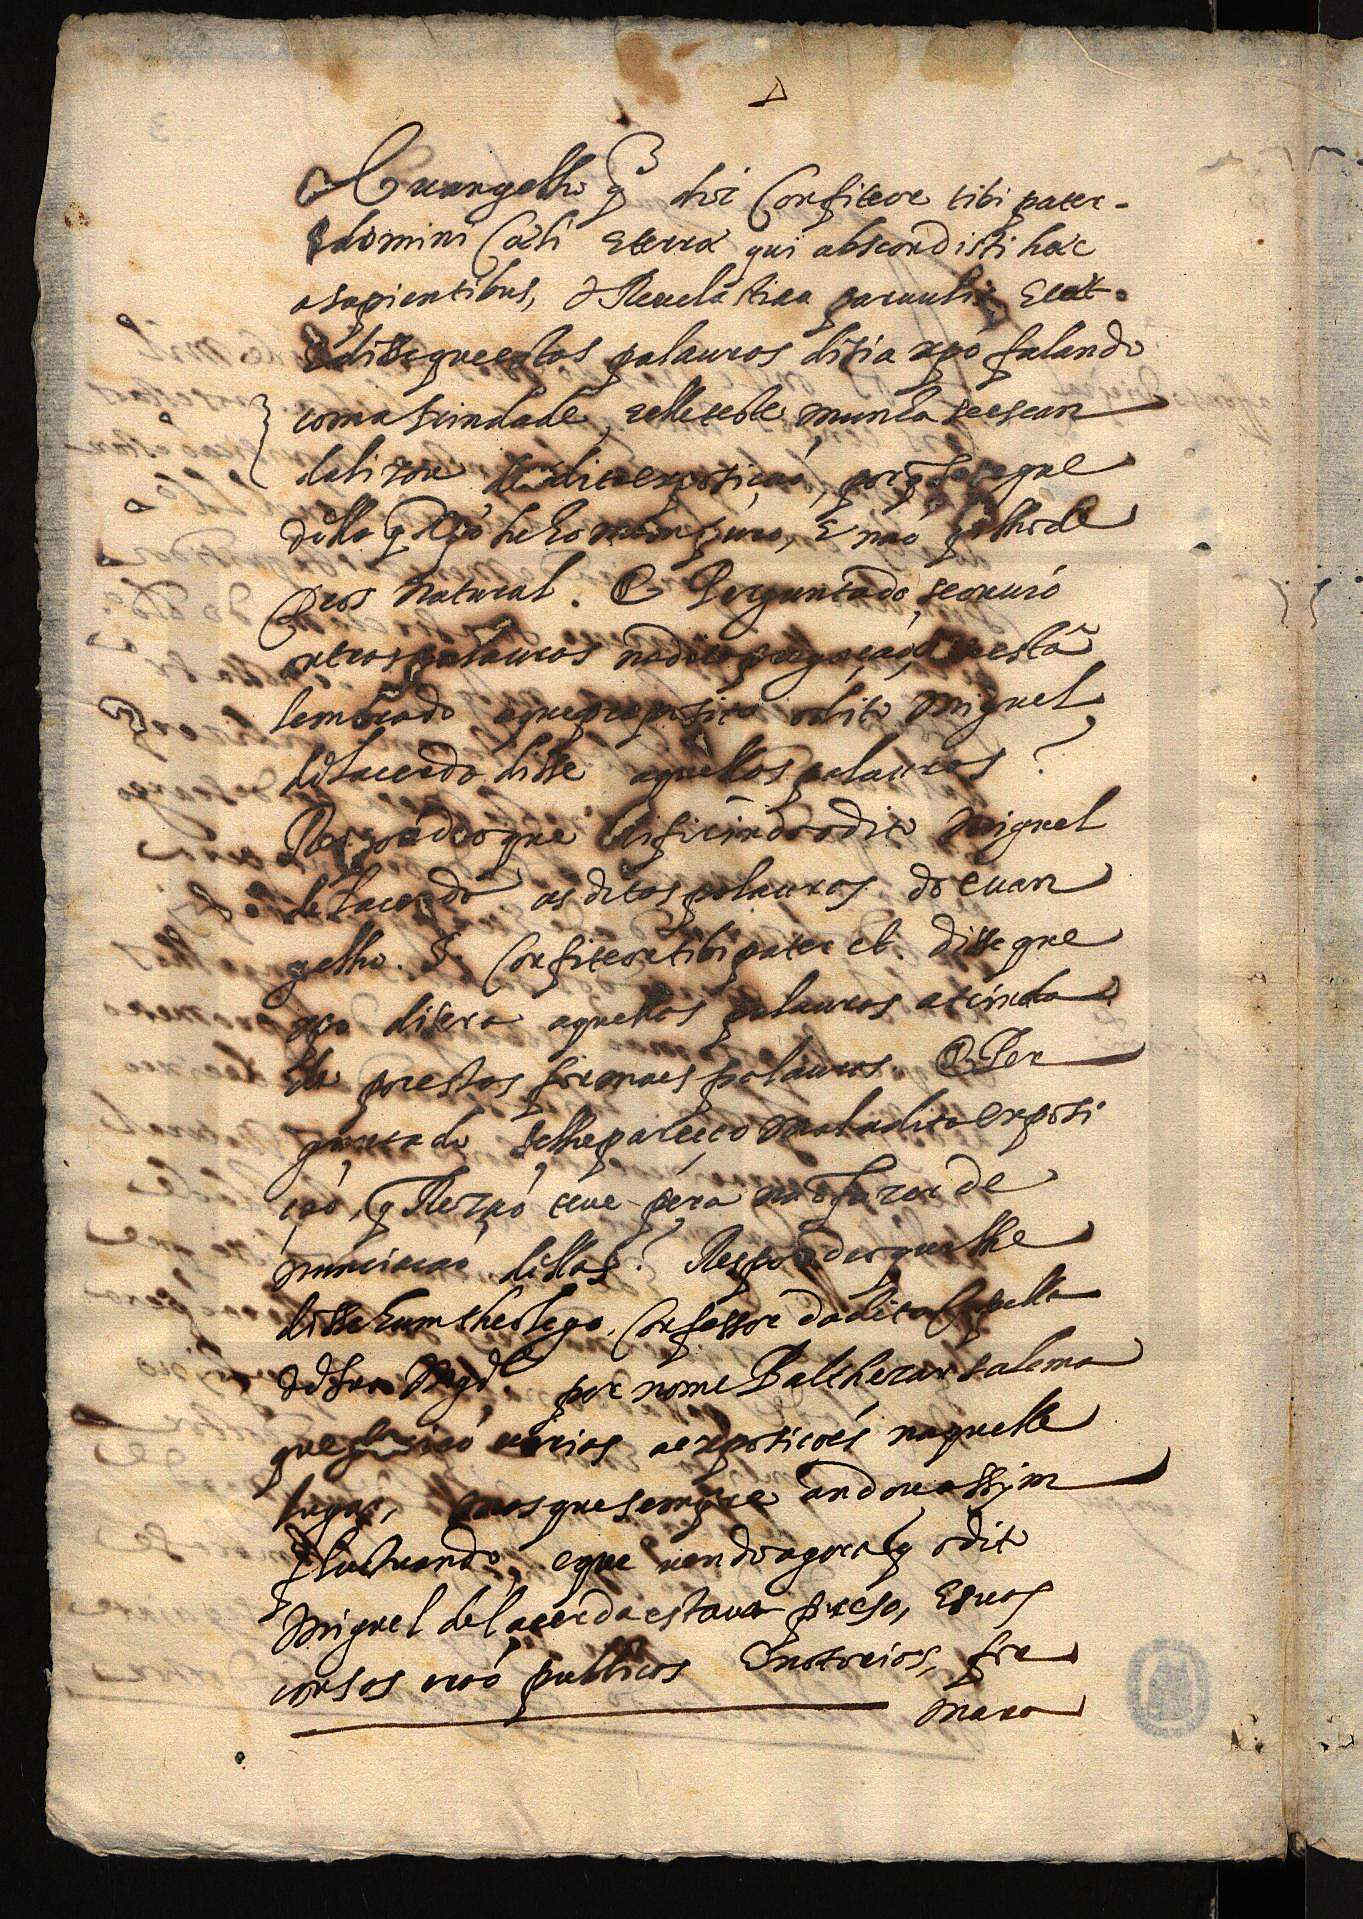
o Euangelho q̄ diz Confiteor tibi pater
E domini Cæli Eterræ qui abscondisti hæc
a sapientibus, & Reuelasti ea paruulis E cæt.
E disse que estas palauras disia xpō falando
com a trindade, E elle testemunha se escan
dalizou da dita exposição, porq̄ se segue
della q̄ xpō he homem puro, E naõ filho de
Deos natural. ⁋ Perguntado, se ouuio
outras palauras na dita pregaçaõ, se estâ
lembrado a que proposito o dito MigueL
de Lacerda disse aquellas palauras?
Respondeo que Refirindo o dito Miguel
de Lacerda as ditas palauras do euan
gelho. ss. Confiteor tibi pater et. disse que
xpo disera aquellas palauras a trinda
de por estas formaes palauras. ⁋ Per
guntado se lhe pareceo mal a dita exposi
çaõ, q̄ Rezaõ teue pera naõ fazer de
nunciaçaõ dellas? Respondeo que lhe
disse hum theologo, Confessor da dita Capella
de Sua Mgde por nome Balthezar salema
que faziaõ uarias a exposições naquelle
lugar, mas que sempre andou assym
fluctuando, e que uendo agora q̄ o dito
Miguel de lacerda estaua preso, E suas
cousas eraõ publicas E notorias, for
mara
